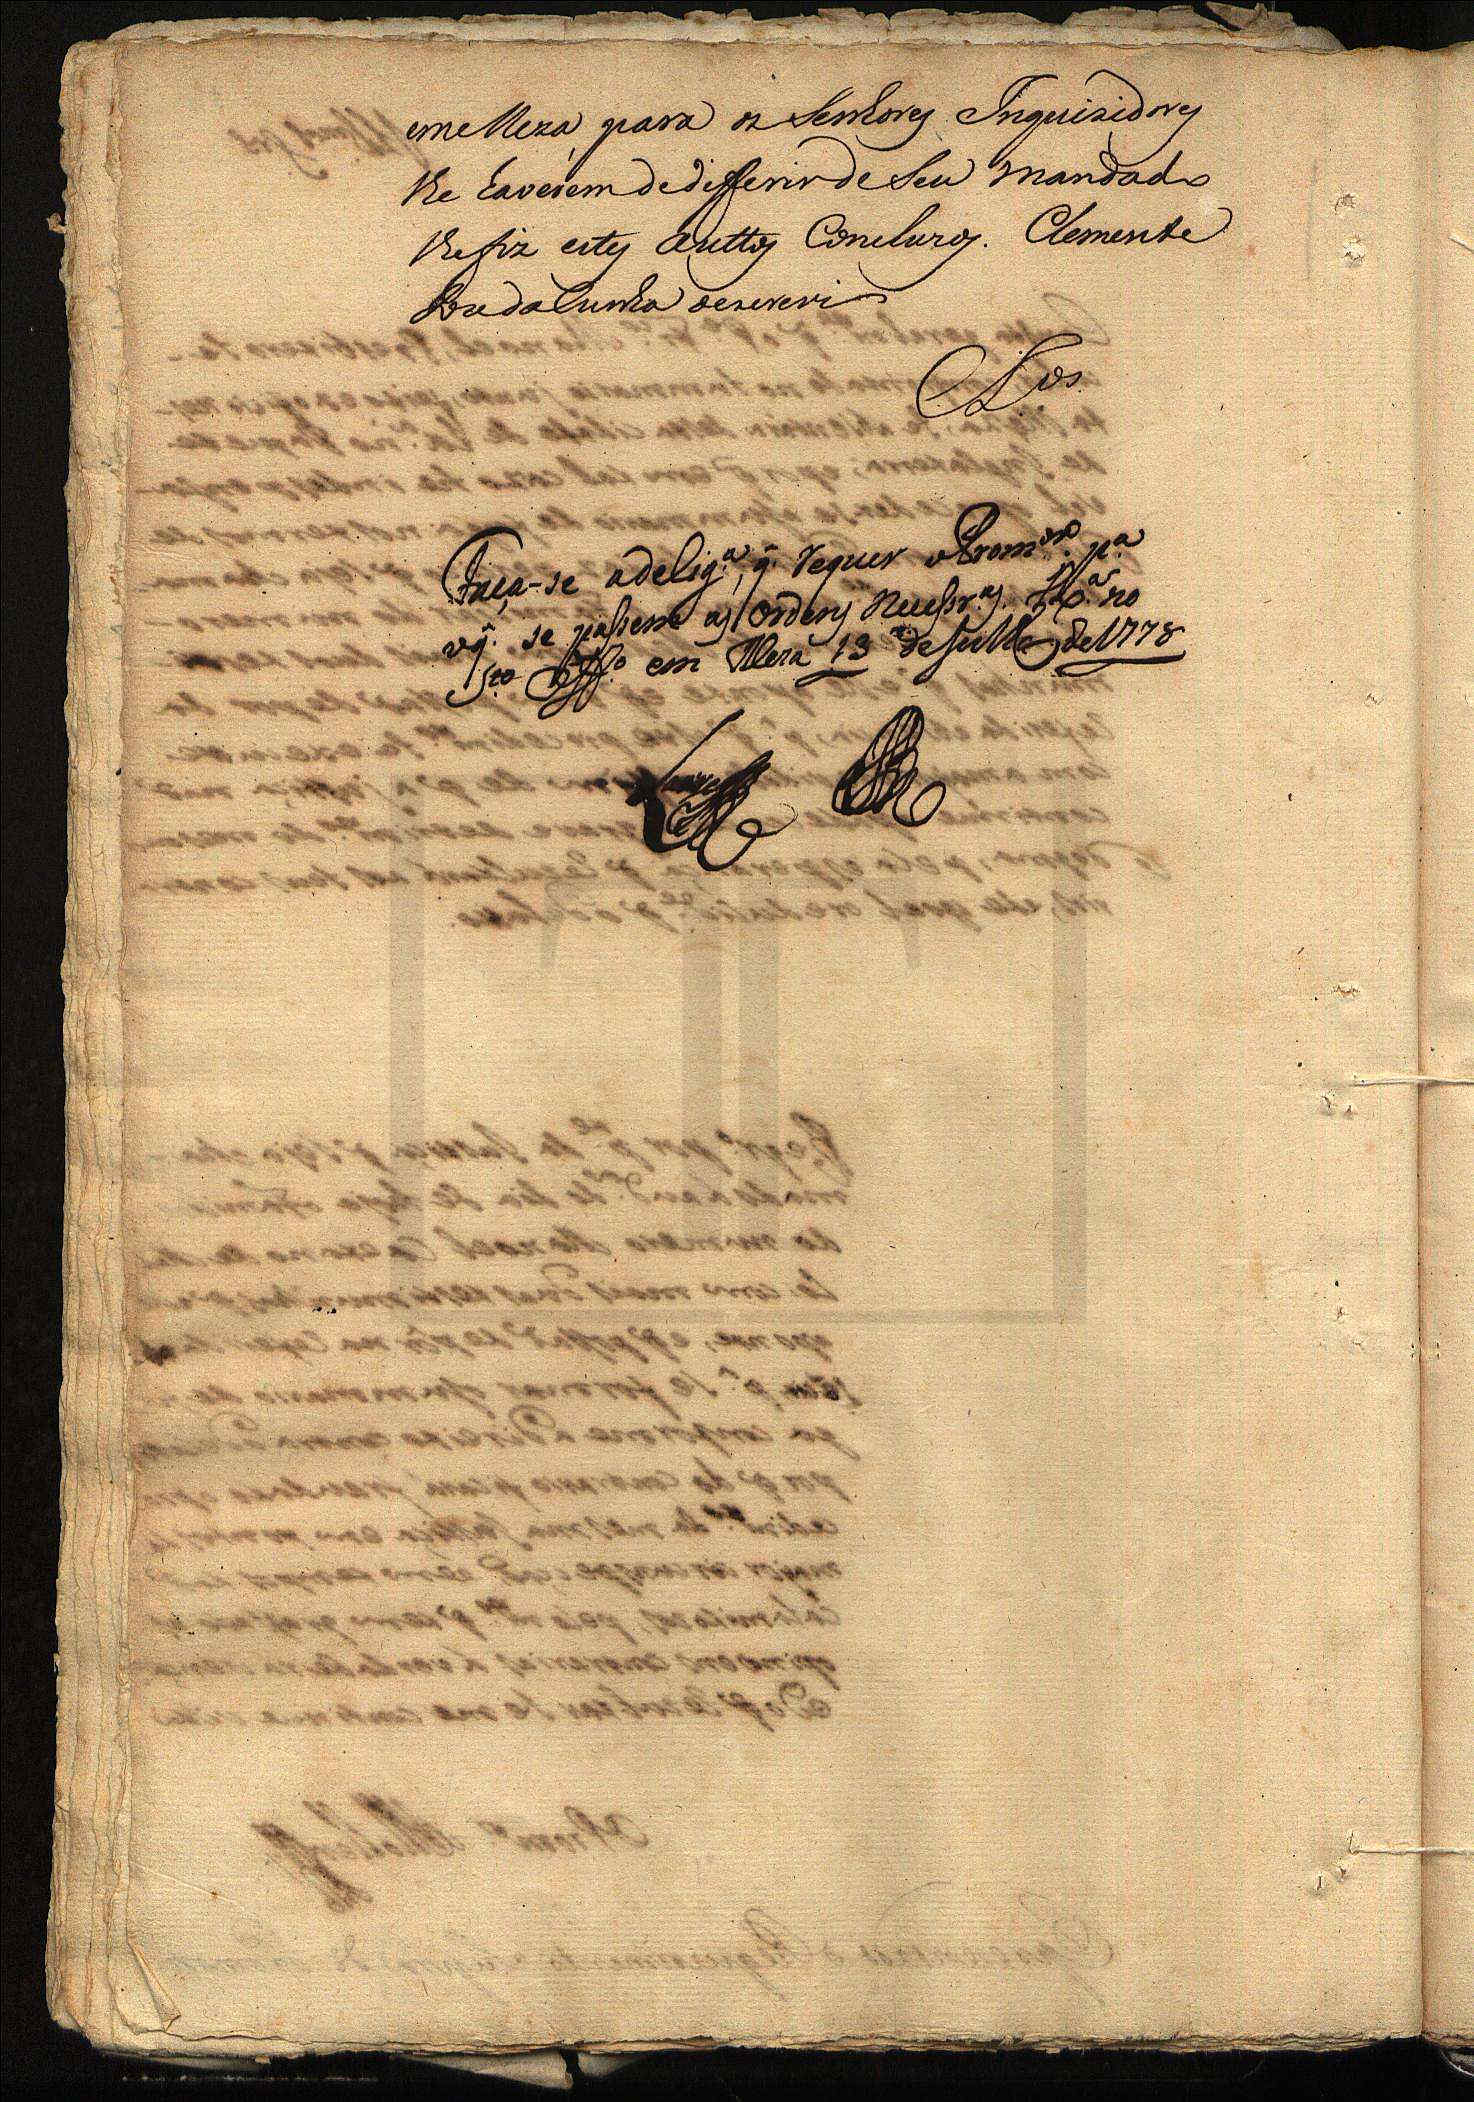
em Meza, para os Senhores Inquizidores
lhe haverem de differir de Seu mandado
lhe fiz estes auttos Concluzos. Clemente
Ioze da Cunha o escrevi
CL.os
Faça-se a delig.a, q̄ requer o Prom.or p.a
o q̄. se passem as ordens necessr.as. Lxa no
S.to Off.o em Meza 13 de Julho de 1778
Larre
